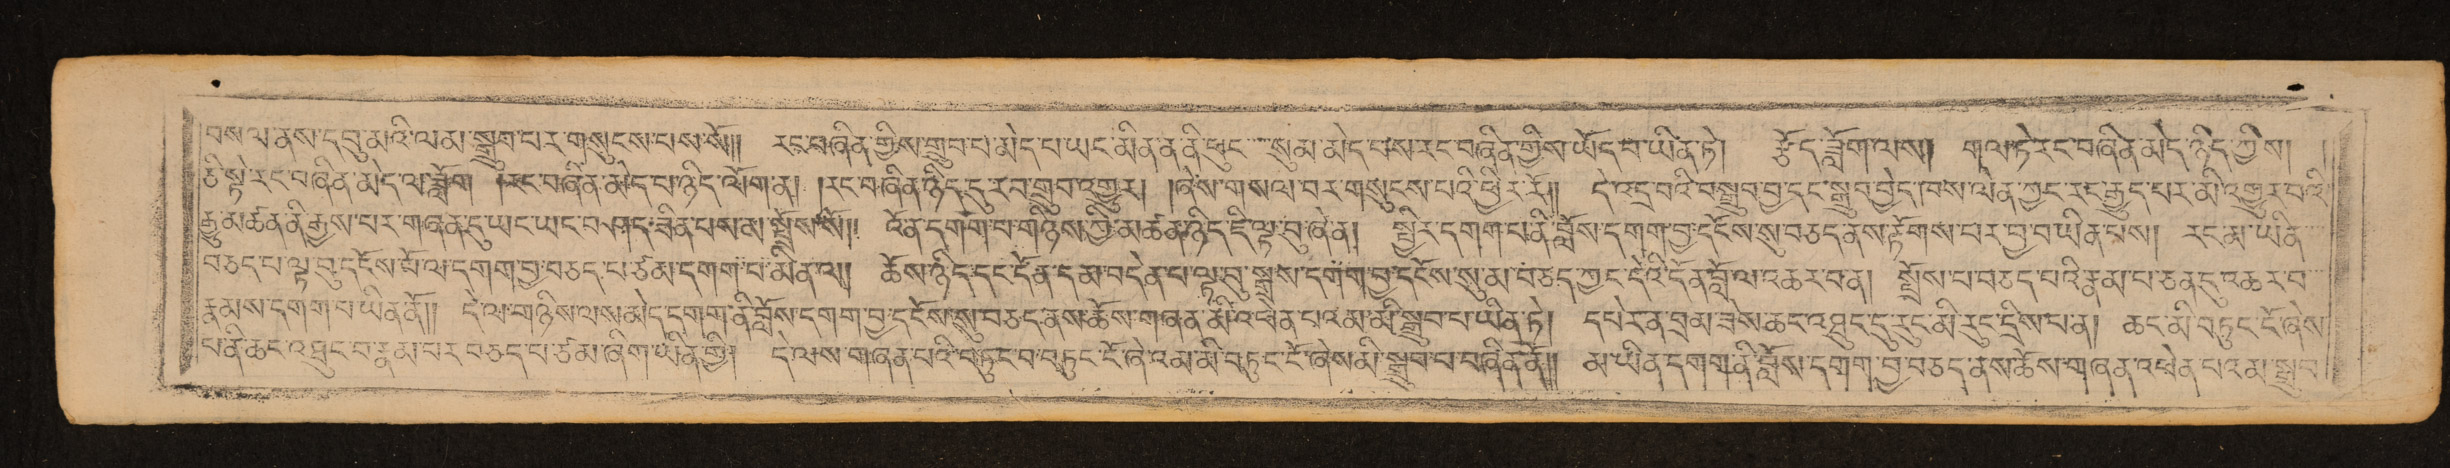བསལ་ནས་དབུ་མའི་ལམ་སྒྲུབ་པར་གསུངས་པས་སོ།། རང་བཞིན་གྱིས་གྲུབ་པ་མེད་པ་ཡང་མིན་ན་ནི་ཕུང་གསུམ་མེད་པས་རང་བཞིན་གྱིས་ཡོད་པ་ཡིན་ཏེ། རྩོད་ཟློག་ལས། གལ་ཏེ་རང་བཞིན་མེད་ཉིད་ཀྱིས།།
ཅི་སྟེ་རང་བཞིན་མེད་ལ་ཟློག །རང་བཞིན་མེད་པ་ཉིད་ལོག་ན། །རང་བཞིན་ཉིད་དུ་རབ་གྲུབ་འགྱུར། །ཞེས་གསལ་བར་གསུངས་པའི་ཕྱིར་རོ།། དེ་འདྲ་བའི་བསྒྲུབ་བྱ་དང་སྒྲུབ་བྱེད་ཁས་ལེན་ཀྱང་རང་རྒྱུད་པར་མི་འགྱུར་བའི་
རྒྱུ་མཚན་ནི། རྒྱས་པར་གཞན་དུ་ཡང་ཡང་བཤད་ཟིན་པས་མ་སྤྲོས་སོ།། འོ་ན་དགག་པ་གཉིས་ཀྱི་མཚན་ཉིད་ཇི་ལྟ་བུ་ཞེ་ན། སྤྱིར་དགག་པ་ནི་བློས་དགག་བྱ་དངོས་སུ་བཅད་ནས་རྟོགས་པར་བྱ་བ་ཡིན་པས། རང་མ་ཡིན་
བཅད་པ་ལྟ་བུ་དངོས་པོ་ལ་དགག་བྱ་བཅད་པ་ཙམ་དགག་པ་མིན་ལ། ཆོས་ཉིད་དང་དོན་དམ་བདེན་པ་ལྟ་བུ་སྒྲས་དགག་བྱ་དངོས་སུ་མ་བཅད་ཀྱང་དེའི་དོན་བློ་ལ་འཆར་བ་ན། སྤྲོས་པ་བཅད་པའི་རྣམ་པ་ཅན་དུ་འཆར་བ་
རྣམས་དགག་པ་ཡིན་ནོ།། དེ་ལ་གཉིས་ལས་མེད་དགག་ནི་བློས་དགག་བྱ་དངོས་སུ་བཅད་ནས་ཆོས་གཞན་མི་འཕེན་པའམ་མི་སྒྲུབ་པ་ཡིན་ཏེ། དཔེར་ན་བྲམ་ཟེས་ཆང་འཐུང་དུ་རུང་མི་རུང་དྲིས་པ་ན། ཆང་མི་བཏུང་ངོ་ཞེས་
པ་ནི་ཆང་འཐུང་པ་རྣམ་པར་བཅད་པ་ཙམ་ཞིག་ཡིན་གྱི། དེ་ལས་གཞན་པའི་བཏུང་བ་བཏུང་ངོ་ཞེའམ་མི་བཏུང་ངོ་ཞེས་མི་སྒྲུབ་པ་བཞིན་ནོ།། མ་ཡིན་དགག་ནི་བློས་དགག་བྱ་བཅད་ནས་ཆོས་གཞན་འཕེན་པའམ་སྒྲུབ་